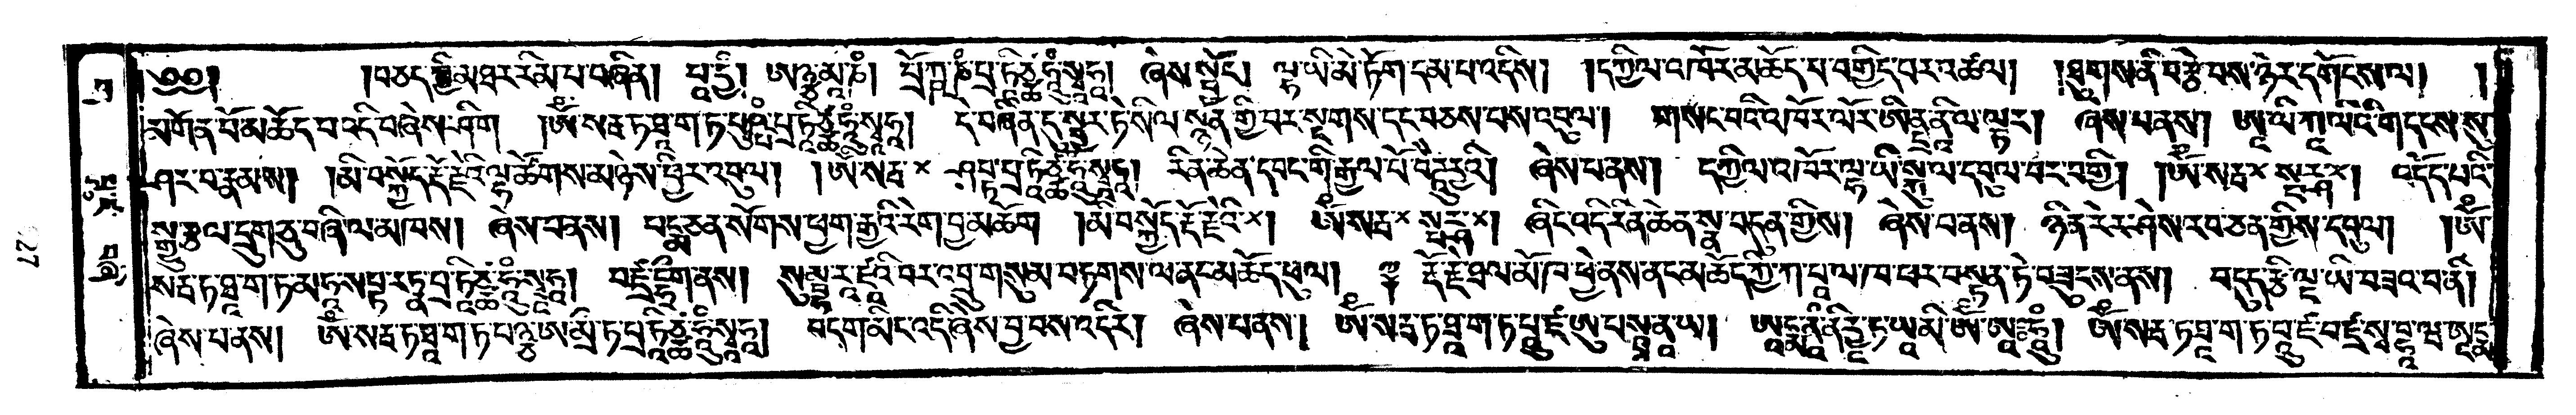༄༅། །བཅད་ཀྱི་མཐར་རིམ་པ་བཞིན། པཱ་དྱཾ། ཨཉྩ་མཱ་ཎཾ། པྲོཀྵ་ཎཾ་པྲ་ཏཱིཙྪ་ཧཱུཾ་སྭཱཧཱ། ཞེས་སྦྱོང་། ལྷ་ཡི་མེ་ཏོག་དམ་པ་འདིས། །དཀྱིལ་འཁོར་མཆོད་པ་བགྱིད་པར་འཚལ། །ཐུགས་ནི་བརྩེབས་ཉེར་དགོངས་ལ། །
མགོན་པོ་མཆོད་པ་འདི་བཞེས་ཤིག །ཨོཾ་སརྦ་ཏ་ཐཱ་ག་ཏ་པུཥྤཾ་པྲ་ཏཱིཙྪ་ཧཱུཾ་སྭཱ་ཧཱ། དེ་བཞིན་དུ་སྦྱར་ཏེ་སིལ་སྙན་གྱི་བར་སྔགས་དང་བཅས་པས་འབུལ། གསང་བའི་འཁོར་ལོར་ཨིནྡྲ་ནཱི་ལ་ལྟར། ཞེས་པ་ནས། ཨཱ་ལི་ཀཱ་ལིའི་གདངས་སུ་
ཤར་བ་རྣམས། །མི་བསྐྱོད་རྡོ་རྗེའི་ལྷ་ཚོགས་མཉེས་ཕྱིར་འབུལ། །ཨོཾ་སརྦ་྾་ཤཔྟ་པྲ་ཏཱིཙྪ་ཧཱུཾ་སྭཱ་ཧཱ། རིན་ཆེན་དབང་གི་རྒྱལ་པོ་བཻཊཱུརྱའི། ཞེས་པ་ནས། དཀྱིལ་འཁོར་ལྷ་ཡི་སྐུ་ལ་དབུལ་བར་བགྱི། །ཨོཾ་སརྦ་྾་སྔྲྴ་྾། འདོད་པའི་
སྒྱུ་རྩལ་དྲུག་ཅུ་བཞི་ལ་མཁས། ཞེས་བ་ནས། པདམ་ཅན་སོགས་ཕྱག་རྒྱའི་རེག་བྱ་མཆོག །མི་བསྐྱོད་རྡོ་རྗེའི་྾། ཨོཾ་སརྦ་྾་སྤརྴ་྾། ཞིང་འདི་རིན་ཆེན་སྣ་བདུན་གྱིས། ཞེས་བ་ནས། ཉིན་རེར་ཤེས་རབ་ཅན་གྱིས་དབུལ། །ཨོཾ་
སརྦ་ཏ་ཐཱ་ག་ཏ་མ་ཧཱ་སབྷ་རྟན་པྲ་ཏཱིཙྪ་ཧཱུཾ་སྭཱཧཱ། བཛྲ་དྷྲྀག་ནས། སུམྦྷ་རཱ་རྫཱའི་བར་འབྲུ་གསུམ་བཏགས་ལ་ནང་མཆོད་ཕུལ། ༈ རྡོ་རྗེ་ཐལ་མོ་ཁ་ཕྱེ་ནས་ནང་མཆོད་ཀྱི་ཀ་པའི་ལ་ཁ་པར་བསྟན་ཏེ་བཟུངས་ནས། བདུད་རྩི་ལྔ་ཡི་བཟའ་བ་ནི།
ཞེས་པ་ནས། ཨོཾ་སརྦ་ཏ་ཐཱ་ག་ཏ་པཉྩ་ཨ་མྲྀ་ཏ་པྲ་ཏཱིཙྪ་ཧུའཾ་སྭཱཧཱ། བདག་མིང་འདི་ཞེས་བྱ་བས་འདིར། ཞེས་པ་ནས། ཨོཾ་སརྦ་ཏ་ཐཱ་ག་ཏ་པཱུ་ཛ་ཨུ་པསྦ་ནཱ་ཡ། ཨཱདམ་ནཾ་ནི་རྱཱ་ཏ་ཡཱ་མི་ཨོཾ་ཨཱཿ ཧཱུཾ། ཨོཾ་སརྦ་ཏ་ཧྟཱ་ག་ཏ་བཱུ་ཛ་བཛྲ་སྭ་བྷཱ་ཝ་ཨཱདམ་